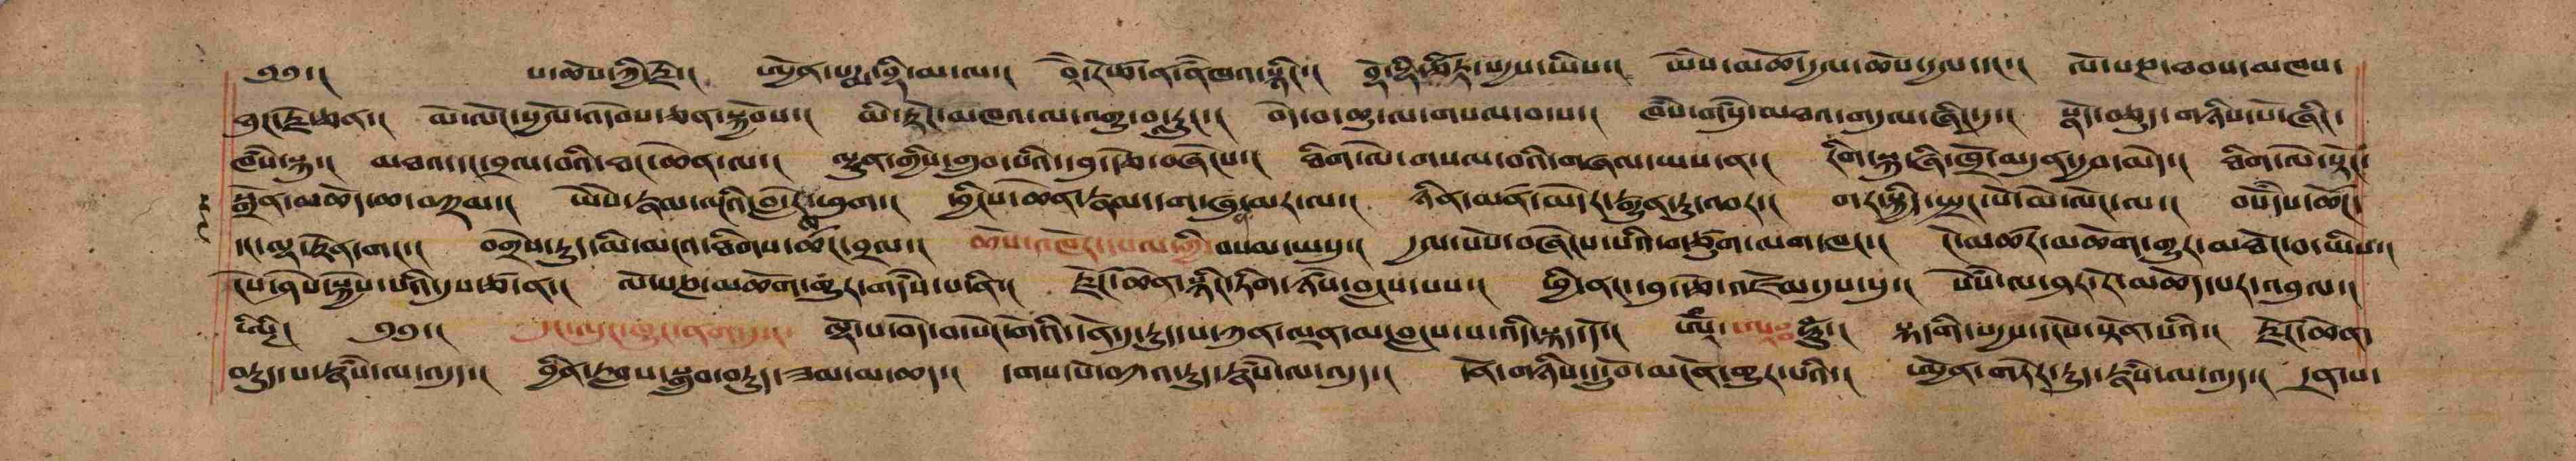པ་ཆོས་ཀྱི་རྗེ།། ཨོ་རྒྱན་པདྨ་བྷི་མ་ལ།། བཱཻ་རོ་ཙ་ན་ནམ་མཁའ་སྙིང་།། བྷོ་དྷི་ཙིརྟ་སངས་རྒྱས་ཡིས།། ཡེ་ཤེས་མཚོ་རྒྱལ་ཆོས་རྒྱལ་དང་།། ལོ་པཎ་ཐབས་མཁས་
ཐུགས་རྗེ་ཅན།། མེ་ལོང་གསོལ་འདེབས་ཅན་སྐྱོབས།། མི་རྟོགས་མཁའ་ལ་འགྱུ་བ་རླུང་།། བདེ་བ་ཆུ་ལ་གསལ་བ་ས།། ཁམས་གསུམ་མཐའ་གདུལ་ཞིང་དུ།། སྣོད་བཅུད་གཉིས་པོ་ཞིང་
ཁམས་སྐུ།། མཐའ་དང་བྲལ་བའི་ཐང་ཆེན་ལ།། ལྷུན་གྱིས་གྲུབ་པའི་དབུ་རྩེ་བཞེངས།། ཐིག་ལེ་གསལ་བའི་གཞལ་ཡས་ན།། རིག་སྐུ་ཞི་ཁྲོ་མདུན་རྒྱབ་མེད།། ཐིག་ལེ་སྟོང་
སྒྲོན་མཆོད་ཆ་བཀྲམ།། ཡེ་ཤེས་རྣམ་ལྔའི་བླ་རེས་ཕུག། དབྱིངས་ཆེན་རྣམ་དག་ཞུན་མར་ལ།། ཉིན་མཚན་མེད་པར་རྒྱུན་དུ་འབར།། གར་སྐྱིད་སྤྲང་པོ་མེ་ལོང་ལ།། བསོད་ནམས་ཚོགས་
དང་ལྷ་རྟེན་གང་།། བགྲེས་རྒུད་མི་མངའ་ཐིགས་ཚང་བྲལ།། ཆོས་འཁོར་དཔལ་གྱི་བསམ་ཡས་སུ།། རྒྱལ་པོས་བཞེངས་པའི་གཙུག་ལག་ཁང་།། ངོ་མཚར་མཆོག་གྱུར་མཐོང་བ་ཡིས།། 
ངེས་ཤེས་སྐྱེས་པའི་དུས་ཙ་ན།། ལོ་པཎ་མཆོག་གྱུར་གདམས་པ་ནི།། རྫོགས་ཆེན་སྙིང་ཏིག་ཉམས་བླངས་པས།། ཕྱི་ནང་དབུ་རྩེ་འཛོམ་དུས་སུ།། སེམས་ལ་ཤར་རོ་མཆོད་པར་འབུལ།། 
ཨིཊི།། ༄༅།། དུང་ལུང་ཁྱུང་ནག་དུ།། ལྷོ་པ་བདེ་བ་སེང་གེའི་དོན་དུ་རྒྱུད་པ་ཀུན་ལྡན་མ་བླངས་ཏེ་འདི་སྐད་དོ།། ཨཱོཾ་ཨཱཿཧཱུཾ། སྐད་ཅིག་སངས་རྒྱས་དངོས་སྟོན་པའི།། རྫོགས་ཆེན་
བརྒྱུད་པ་རྣམས་ལ་འདུད།། བྱིན་རླབས་སྒྲུབ་བརྒྱུད་ཟམ་མ་ཆད།། དགས་པོ་བཀའ་བརྒྱུད་རྣམས་ལ་འདུད།། དོན་གཉིས་དངོས་གྲུབ་མངོན་གྱུར་པའི།། ཨོ་རྒྱན་གཏེར་རྒྱུད་རྣམས་ལ་འདུད།། དྲན་པ་